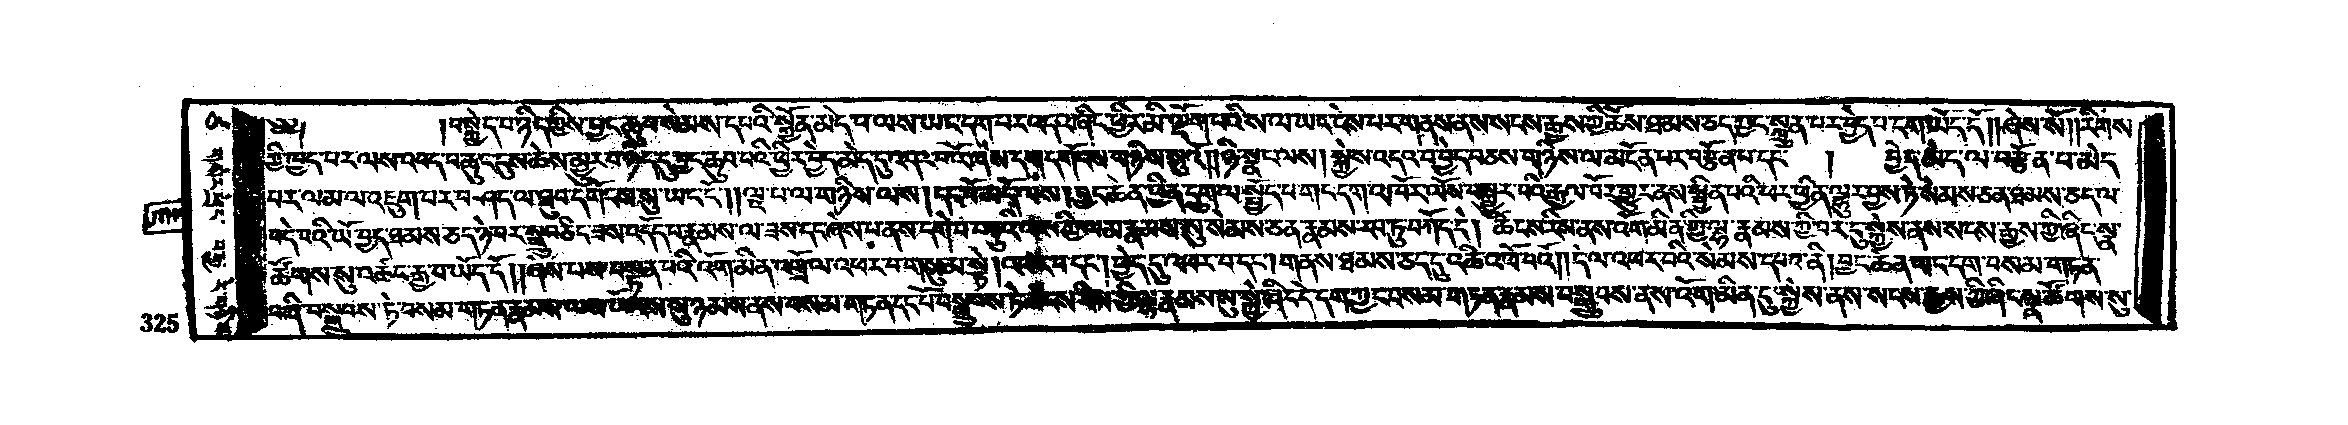༄༅། །བསྐྱེད་པ་ཉིད་ཀྱིས་བྱང་ཆུབ་སེམས་དཔའི་སྐྱོན་མེད་པ་ལས་ཡང་དག་པར་འདའ་ཞིང་ཕྱིར་མི་ལྡོག་པའི་ས་ལ་ཡང་ངེས་པར་གནས་ནས་སངས་རྒྱས་ཀྱི་ཆོས་ཐམས་ཅད་ཀྱང་སྐྲུན་པར་བྱེད་པ་དག་ཡོད་དོ། །ཞེས་སོ། །རིགས་
ཀྱི་ཁྱད་པར་ལས་འབད་པ་ཆུང་ངུས་ཆེས་མྱུར་བ་ཉིད་དུ་བྱང་ཆུབ་པའི་ཕྱིར་བྱེད་མེད་དུ་འདའ་བའོ་ཞེས་དག་དགོངས་གཉིས་སུའོ། །ཉི་སྣང་ལས། སྐྱེས་འདའ་བ་བྱེད་བཅས་གཉིས་ལ་མངོན་པར་བརྩོན་པ་དང་། བྱེད་མེད་ལ་བརྩོན་པ་མེད་
པར་ལམ་ལ་འཇུག་པར་བཤད་ལ་ཐུབ་དགོངས་སུ་ཡང་ངོ། །ལྔ་པ་ལ་གཉིས་ལས། དང་པོ་མདོ་ལས། བྱང་ཆེན་ཕྱིན་དྲུག་ལ་སྤྱོད་པ་གང་དག་འཁོར་ལོས་བསྒྱུར་བའི་རྒྱལ་པོར་གྱུར་ནས་སྦྱིན་པའི་ཕར་ཕྱིན་ལྷུར་བྱས་ཏེ་སེམས་ཅན་ཐམས་ཅད་ལ་
བདེ་བའི་ཡོ་བྱད་ཐམས་ཅད་ཉེ་བར་སྒྲུབ་ཅིང་ཟས་འདོད་པ་རྣམས་ལ་ཟས་དང་ཞེས་པ་ནས་དགེ་བ་བཅུའི་ལས་ཀྱི་ལམ་རྣམས་སུ་སེམས་ཅན་རྣམས་རབ་ཏུ་བཀོད་དེ། ཚངས་རིས་ནས་འོག་མིན་གྱི་ལྷ་རྣམས་ཀྱི་བར་དུ་སྐྱེས་ནས་སངས་རྒྱས་ཀྱི་ཞིང་སྣ་
ཚོགས་སུ་འཚང་རྒྱ་བ་ཡོད་དོ། །ཞེས་པས་བསྟན་པའི་འོག་མིན་འགྲོ་ལ་འཕར་བ་གསུམ་སྟེ། འཕར་བ་དང་། ཕྱེད་དུ་འཕར་བ་དང་། གནས་ཐམས་ཅད་དུ་འཆི་འཕོ་བའོ། །དེ་ལ་འཕར་བའི་སེམས་དཔའ་ནི། བྱང་ཆེན་གང་དག་བསམ་གཏན་
བཞི་བསྒྲུབས་ཏེ་བསམ་གཏན་རྣམས་ལས་ཡོངས་སུ་ཉམས་ནས་བསམ་གཏན་དང་པོ་བསྒྲུབས་ཏེ་ཚངས་རིས་ཀྱི་ལྷ་རྣམས་སུ་སྐྱེ་ཞིང་དེ་དག་ཀྱང་བསམ་གཏན་རྣམས་བསྒྲུབས་ནས་འོག་མིན་དུ་སྐྱེས་ནས་སངས་རྒྱས་ཀྱི་ཞིང་སྣ་ཚོགས་སུ་